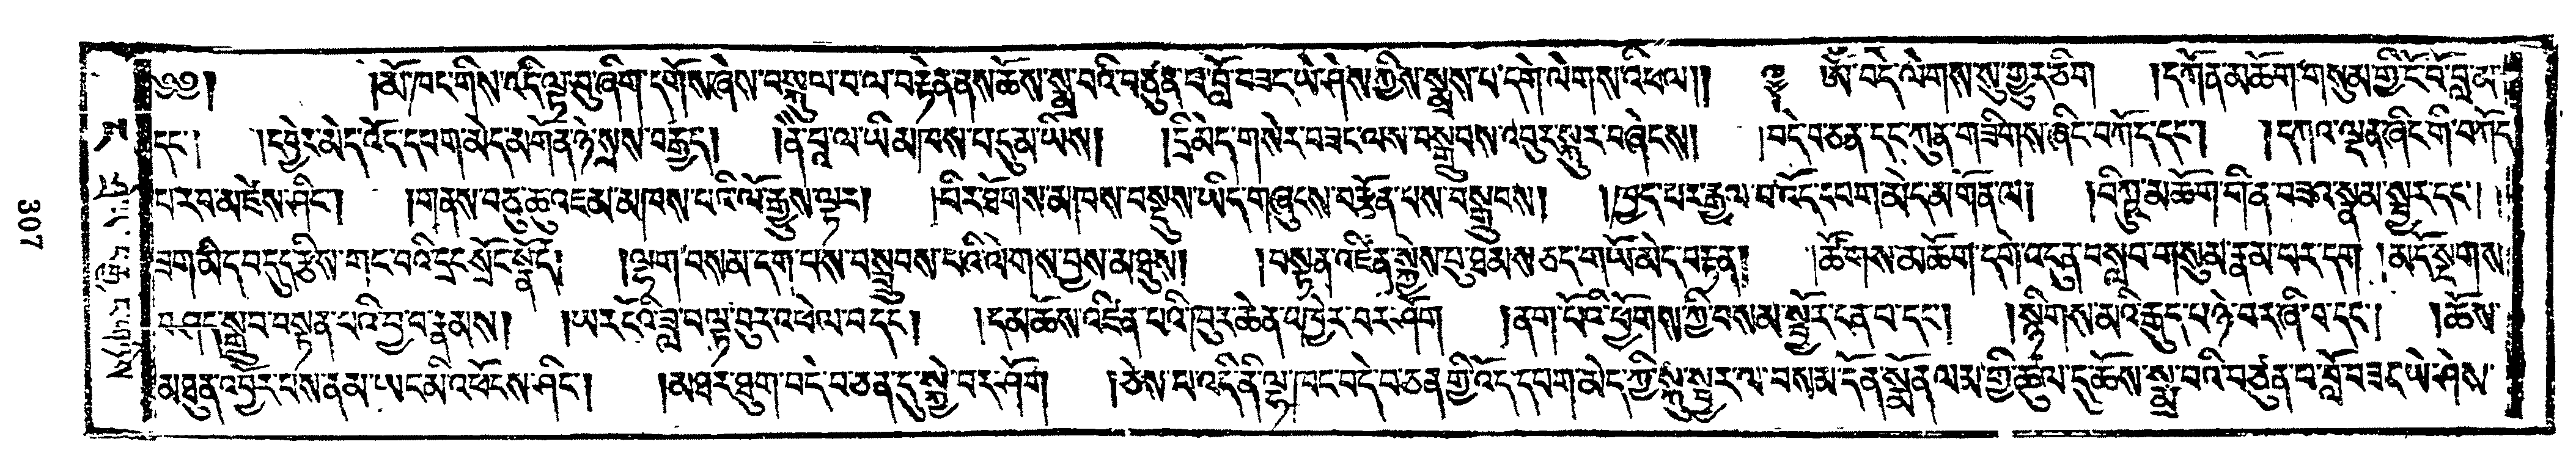༄༅། །མོ་ཁང་གིས་འདི་ལྟ་བུ་ཞིག་དགོས་ཞེས་བསྐུལ་བ་ལ་བརྟེན་ནས་ཆོས་སྨྲ་བའི་བཙུན་པ་བློ་བཟང་ཡེ་ཤེས་ཀྱིས་སྨྲས་པ་དགེ་ལེགས་འཕིལ།། ༈ ཨོཾ་བདེ་ལེགས་སུ་གྱུར་ཅིག །དཀོན་མཆོག་གསུམ་གྱི་ངོ་བོ་བླ་མ་
དང་། །དབྱེར་མེད་འོད་དཔག་མེད་མགོན་ཉེ་སྲས་བརྒྱད། །ནཻ་པཱ་ལ་ཡི་མཁས་པ་དུ་མ་ཡིས། །དྲི་མེད་གསེར་བཟང་ལས་བསྒྲུབས་འབུར་སྐུར་བཞེངས། །བདེ་བ་ཅན་དང་ཀུན་གཟིགས་ཞིང་བཀོད་དང་། །དཀའ་ལྡན་ཞིང་གི་བཀོད་
པ་རབ་མཛེས་ཤིང་། །གནས་བཅུ་ཆུ་འཇམ་མཁས་པའི་ལོ་རྒྱུས་ལྟར། །པིར་ཐོགས་མཁས་བསྡུས་ཡིད་གཞུངས་བརྩོན་པས་བསྒྲུབས། །ཁྱད་པར་རྒྱལ་བ་འོད་དཔག་མེད་མགོན་ལ། །བིཀྵུ་མཆོག་གི་ན་བཟའ་སྣམ་སྦྱར་དང།།
ཟག་མིད་བདུད་རྩིས་གང་བའི་དྲང་སྲོང་སྣོད། །ལྷག་བསམ་དག་པས་བསྒྲུབས་པའི་ལེགས་བྱས་མཐུས། །བསྟན་འཛིན་སྐྱེས་པུ་ཐམས་ཅད་གཡོ་མེད་བརྟན། །ཚོགས་མཆོག་དགེ་འདུན་བསླབ་གསུམ་རྣམ་པར་དག། །མདོ་སྔགས་
བཤད་སྒྲུབ་བསྟན་པའི་བྱ་བ་རྣམས། །ཡར་ངོའི་ཟླ་བ་ལྟ་བུར་འཕེལ་བ་དང་། །དམ་ཆོས་འཛིན་པའི་ཁུར་ཆེན་འཁྱེར་བར་ཤོག །ནག་པོའི་ཕྱོགས་ཀྱི་བསམ་སྦྱོར་ངན་པ་དང་། །སྙིགས་མའི་རྒུད་པ་ཉེ་བར་ཞི་བ་དང་། །ཆོས་
མཐུན་འབྱོར་པས་ནམ་ཡང་མི་འཕོངས་ཤིང་། །མཐར་ཐུག་བདེ་བ་ཅན་དུ་སྐྱེ་བར་ཤོག །ཅེས་པ་འདི་ནི་ལྷ་ཁང་བདེ་བ་ཅན་གྱི་འོད་དཔག་མེད་ཀྱི་སྐུ་སྦྱར་ལ་བསམ་དོན་སྨོན་ལམ་གྱི་ཚུལ་དུ་ཆོས་སྨྲ་བའི་བཙུན་པ་བློ་བཟང་ཡེ་ཤེས་